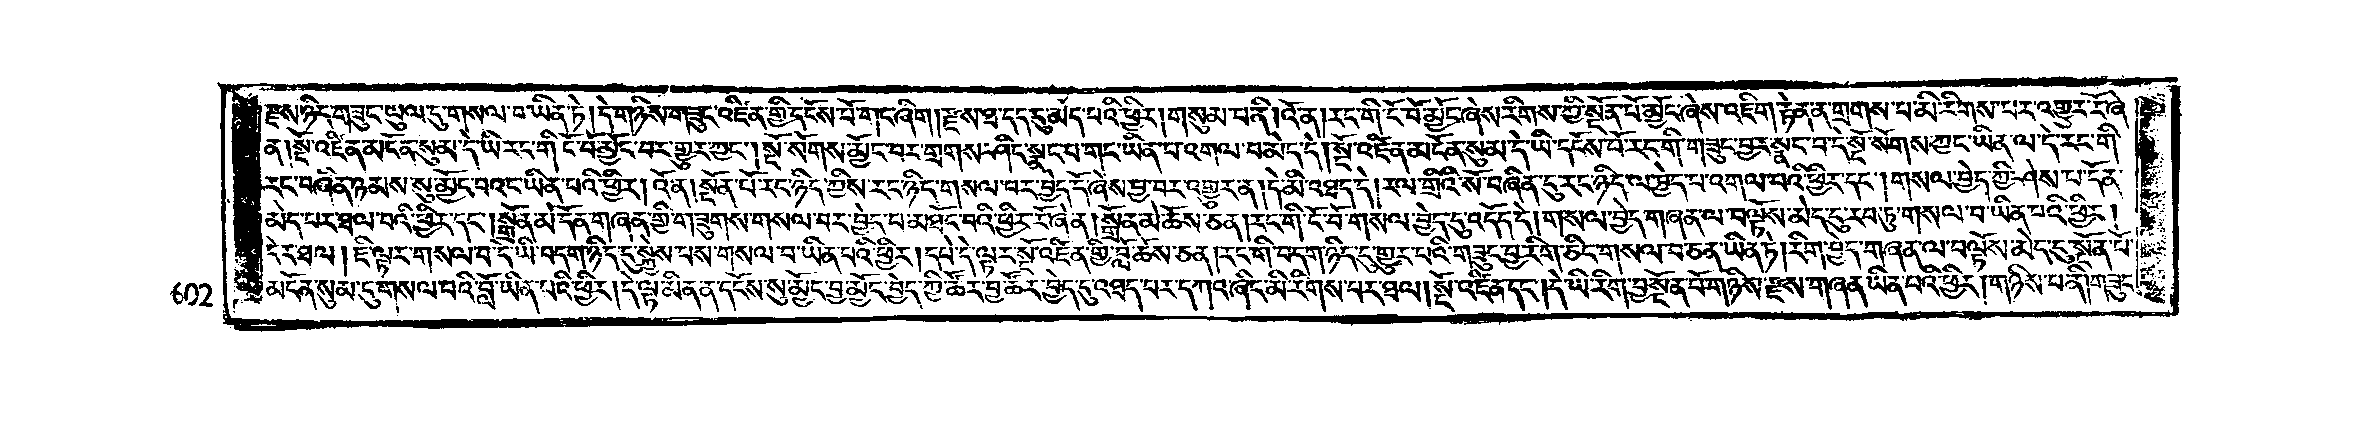རྫས་ཉིད་གཟུང་ཡུལ་དུ་གསལ་བ་ཡིན་ཏེ། དེ་གཉིས་གཟུང་འཛིན་གྱི་དངོས་པོ་གང་ཞིག །རྫས་ཐ་དད་དུ་མེད་པའི་ཕྱིར། གསུམ་པ་ནི། འོ་ན། རང་གི་ངོ་བོ་མྱོང་ཞེས་རིགས་ཀྱི་སྔོན་པོ་མྱོང་ཞེས་འཇིག་རྟེན་ན་གྲགས་པ་མི་རིགས་པར་འགྱུར་རོ་ཞེ་
ན། སྔོ་འཛིན་མངོན་སུམ་དེ་ཡི་རང་གི་ངོ་བོ་མྱོང་བར་གྱུར་ཀྱང་། སྔོ་སོགས་མྱོང་བར་གྲགས་ཤིང་སྣང་བ་གང་ཡིན་པ་འགལ་བ་མེད་དེ། སྔོ་འཛིན་མངོན་སུམ་དེ་ཡི་དངོས་པོ་རང་གི་གཟུང་བྱར་སྣང་བ་དེ་སྔོ་སོགས་ཀྱང་ཡིན་ལ་དེ་རང་གི་
རང་བཞིན་ཉམས་སུ་མྱོང་བའང་ཡིན་པའི་ཕྱིར། འོ་ན། སྔོན་པོ་རང་ཉིད་ཀྱིས་རང་ཉིད་གསལ་བར་བྱེད་དོ་ཞེས་བྱ་བར་འགྱུར་ན། དེ་མི་འཐད་དེ། རལ་གྲིའི་སོ་བཞིན་དུ་རང་ཉིད་ལ་བྱེད་པ་འགལ་བའི་ཕྱིར་དང་། གསལ་བྱེད་ཀྱི་ཤེས་པ་དོན་
མེད་པར་ཐལ་བའི་ཕྱིར་དང་། སྒྲོན་མེ་དོན་གཞན་གྱི་གཟུགས་གསལ་བར་བྱེད་པ་མཐོང་བའི་ཕྱིར་རོ་ཞེ་ན། སྒྲོན་མེ་ཆོས་ཅན། རང་གི་ངོ་བོ་གསལ་བྱེད་དུ་འདོད་དེ། གསལ་བྱེད་གཞན་ལ་བལྟོས་མེད་དུ་རབ་ཏུ་གསལ་བ་ཡིན་པའི་ཕྱིར།
དེར་ཐལ། ཇི་ལྟར་གསལ་བ་དེ་ཡི་བདག་ཉིད་དུ་སྐྱེས་པས་གསལ་བ་ཡིན་པའི་ཕྱིར། དཔེ་དེ་ལྟར་སྔོ་འཛིན་གྱི་བློ་ཆོས་ཅན། རང་གི་བདག་ཉིད་དུ་གྱུར་པའི་གཟུང་བྱ་རིག་ཅིང་གསལ་བ་ཅན་ཡིན་ཏེ། རིག་བྱེད་གཞན་ལ་བལྟོས་མེད་དུ་སྔོན་པོ་
མངོན་སུམ་དུ་གསལ་བའི་བློ་ཡིན་པའི་ཕྱིར། དེ་ལྟ་མིན་ན་དངོས་སུ་མྱོང་བྱ་མྱོང་བྱེད་ཀྱི་ཚོར་བྱ་ཚོར་བྱེད་དུ་འཐད་པར་དཀའ་ཞིང་མི་རིགས་པར་ཐལ། སྔོ་འཛིན་དང་། དེ་ཡི་རིག་བྱ་སྔོན་པོ་གཉིས་རྫས་གཞན་ཡིན་པའི་ཕྱིར། གཉིས་པ་ནི། གཟུང་